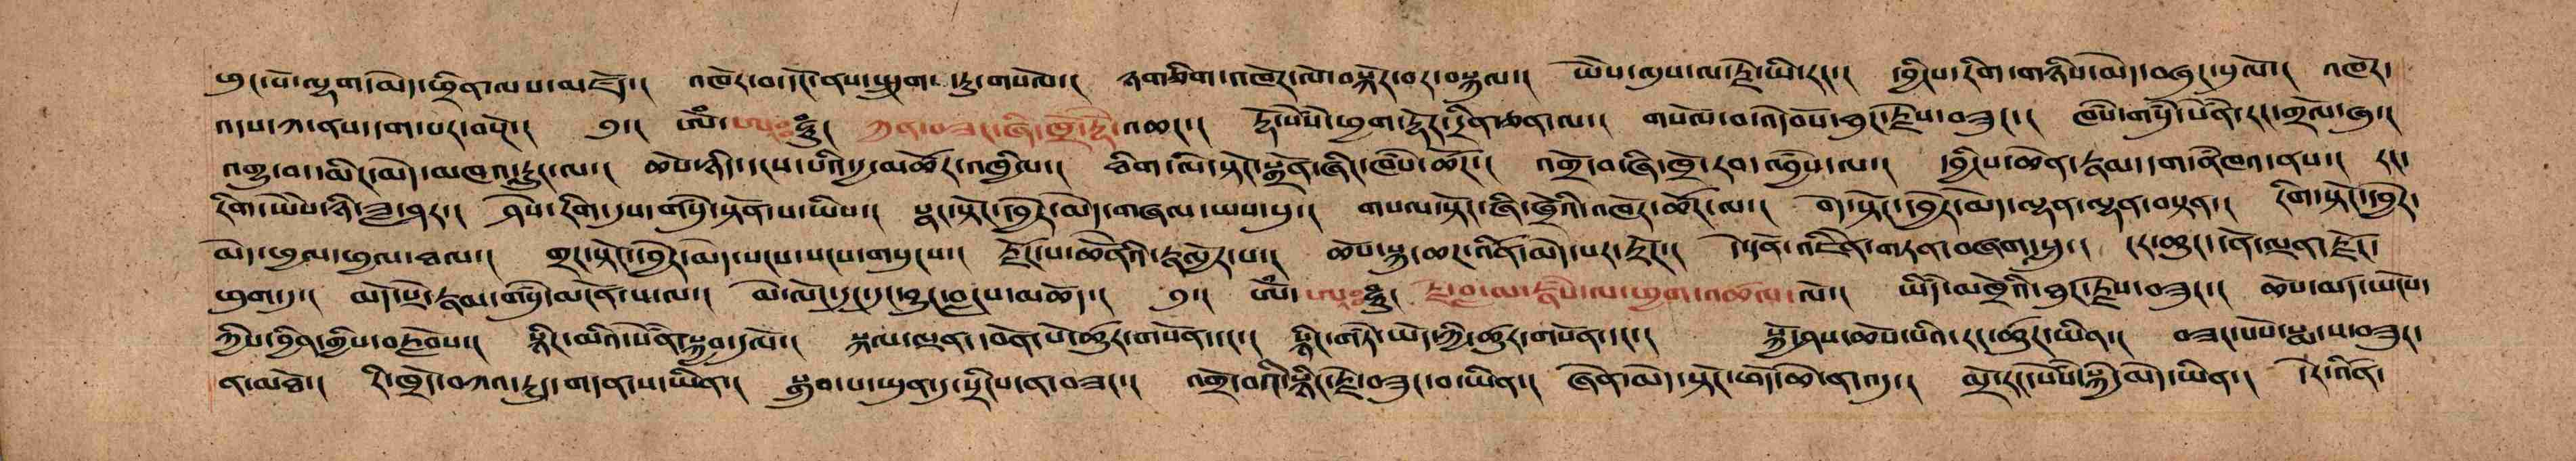ཕུང་པོ་ལྷག་མེད་ཕྲིན་ལས་མཛོད། འཁོར་བ་དོང་ནས་སྤྲུག་ཏུ་གསོལ། ཉག་གཅིག་འཁོར་ལོ་བསྐོར་བར་བསྐུལ། ཡེ་ཤེས་ལུས་ལ་རྗེ་ཡི་རང་། དབྱིངས་རིག་གཉིས་མེད་བཞུགས་སུ་གསོལ། འཁོར་
འདས་ཀ་ནས་དག་པར་བསྔོ། ༄་། ཨོཾ་ཨཱཿཧཱུཾ། ཀུན་བཟང་ཞི་ཁྲོ་རྡོ་རྗེ་འཆང་། རྡོ་སེམས་ཕྱག་རྡོར་དྲིན་ཅན་ལ། གསོལ་བ་འདེབས་སོ་ཐུགས་རྗེས་བཟུང་། ཁམས་གསུམ་སེམས་ཅན་རང་གྲོལ་ཞུ། 
འགྱུ་བ་དམིགས་མེད་མཁའ་རླུང་ལ། ཆོས་ཉིད་དངས་པའི་རྒྱ་མཚོར་འཁྱིལ། ཐིག་ལེ་སྟོང་སྒྲོན་ཞིང་ཁམས་ཚོགས། འགྲོ་བ་ཞི་ཁྲོ་རབ་འབྱམས་ལ། དབྱིངས་ཆེན་རྣམ་དག་ནམ་མཁའ་ནས། རང་
རིག་ཡེ་ཤེས་ཉི་ཟླ་ཤར། ཤེས་རིག་དུས་གསུམ་སྟོན་པ་ཡིས། སྣང་སྟོང་དབྱེར་མེད་གཞལ་ཡས་སུ། གསལ་སྟོང་ཞི་ཁྲོའི་འཁོར་ཚོགས་ལ། བདེ་སྟོང་དབྱེར་མེད་ལྷན་ལྷན་བསྟན། རིག་སྟོང་དབྱེར་
མེད་ཕྱལ་ཕྱལ་ཐལ། གྲགས་སྟོང་དབྱེར་མེད་སངས་སངས་གསུངས། རྫོགས་པ་ཆེན་པོའི་རྣལ་འབྱོར་པ། ཆོས་སྐུ་ཆགས་འཛིན་མེད་པར་རྟོགས། དེ་དོན་འཇིག་རྟེན་གཏན་བཞག་གསུང་། ངར་ཆུང་དོན་ལྡན་རྫོང་
ཕུག་དུ། མདོ་སྡེ་རྣམ་གསུམ་མངོན་པ་ལ། མེ་ལོང་དུང་དུང་བྱུང་བླངས་མཆོད།༄་། ཨོཾ་ཨཱཿཧཱུཾ། རྗེ་བླ་མ་རྣམས་ལ་ཕྱག་འཚལ་ལོ། ཡིད་དམ་མཁའ་འགྲོའི་ཐུགས་རྗེས་བཟུང་། ཆོས་མཛད་ཡོངས་
ཀྱིས་བྱིན་གྱིས་བརློབས། སྙིང་མའི་སེམས་ཅན་སྐྱབས་དུ་གསོལ། སྐལ་ལྡན་དབེན་པོ་ཚུར་གསོན་དང་། སྙིང་གཏཾ་ཡོད་ཀྱི་ཚུར་གསོན་དང་། སྐྱོ་ཤས་ཆོས་པའི་རང་ཚུགས་ཡིན། བཟང་པོས་སྨ་ས་བཟུང་
ན་མཐོ། རི་ཁྲོད་བཀའ་དྱུད་གདན་ས་ཡིན། སྒྲུབ་པ་ཡུན་དུ་སྲིངས་ན་བཟང་། འགྲོ་བའི་སྙིང་རྗེ་བཟུང་བ་ཡིན། ཞེན་མེད་སྟོང་ཕོད་ཆེ་ན་འདུ། མཁའ་འགྲོ་རང་སེམས་སྐྱེ་མེད་ཡིན། དེར་འཛིན་